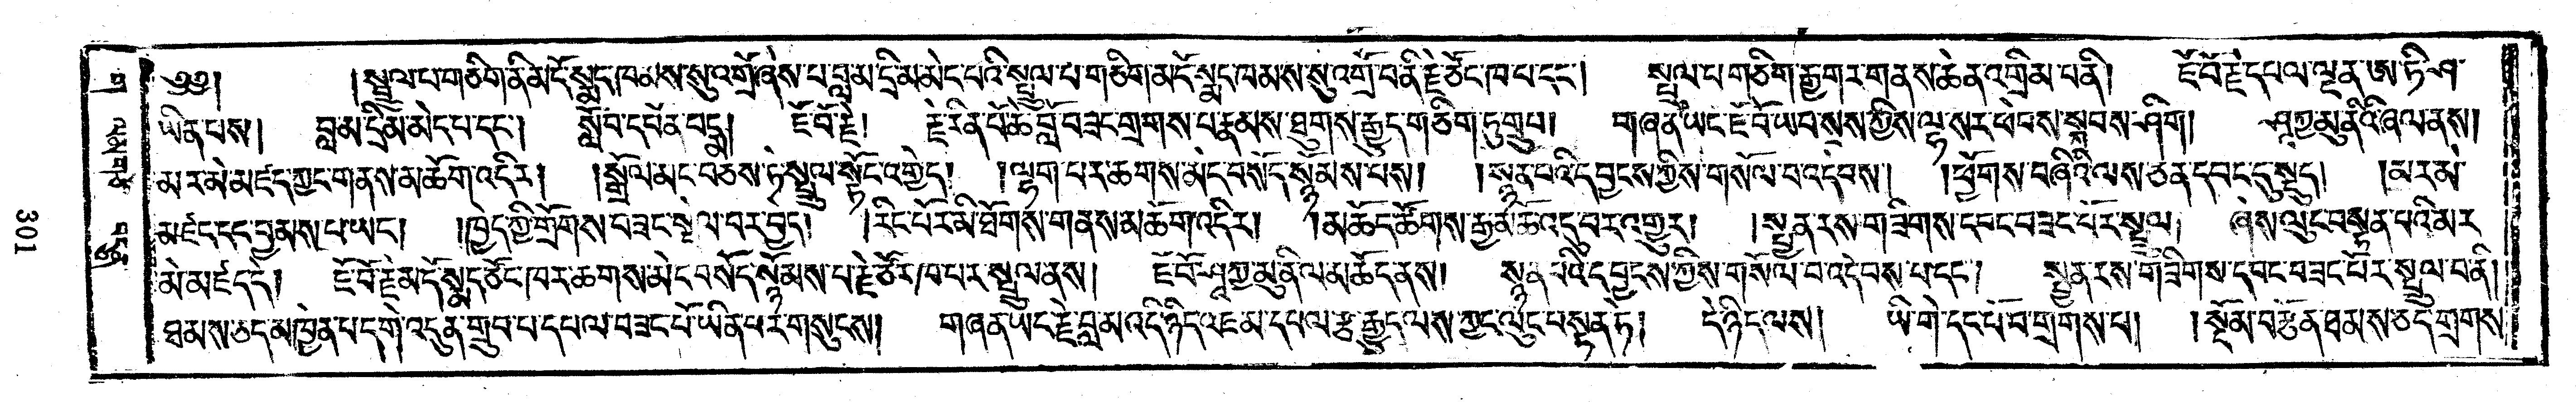༄༅། །སྤྲུལ་པ་གཅིག་ནི་མདོ་སྨད་ཁམས་སུ་འགྲོ་ཞེས་པ་བླ་མ་དྲི་མ་མེད་པའི་སྤྲུལ་པ་གཅིག་མདོ་སྨད་ཁམས་སུ་འགྲོ་བ་ནི་རྗེ་ཙོང་ཁ་པ་དང་། སྤྲལ་པ་གཅིག་རྒྱ་གར་གནས་ཆེན་འགྲིམ་པ་ནི། ཇོ་བོ་རྗེ་དཔལ་ལྡན་ཨ་ཏི་ཤ་
ཡིན་པས། བླ་མ་དྲི་མ་མེད་པ་དང་། སློབ་དཔོན་པདམ། ཇོ་བོ་རྗེ། རྗེ་རིན་པོ་ཆེ་བློ་བཟང་གྲགས་པ་རྣམས་ཐུགས་རྒྱུད་གཅིག་ཏུ་གྲུབ། གཞན་ཡང་ཇོ་བོ་ཡབ་སྲས་ཀྱིས་ལྷ་སར་ཕེབས་སྐབས་ཤིག། ཤཱཀྱ་མུ་ནིའི་ཞལ་ནས།
མར་མེ་མཛད་ཀྱང་གནས་མཆོག་འདིར། །སྒྲོལ་མང་བཅས་ཏེ་སྤྲུལ་སྟོང་འགྱེད། །ལྷག་པར་ཆགས་མེད་བསོད་སྙོམས་པས། །སྙན་པའི་དབྱངས་ཀྱིས་གསོལ་བ་འདེབས། །ཕྱོགས་བཞིའི་ལས་ཅན་དབང་དུ་སྡུད། མར་མེ་
མཛད་དང་བྱམས་པ་ཡག། །ཁྱེད་ཀྱི་གྲོགས་བཟང་སྡེལ་བར་བྱེད། །རིང་པོར་མི་ཐོགས་གནས་མཆོག་འདིར། །མཆོད་ཚོགས་རྒྱ་མཚོ་འདུ་བར་འགྱུར། །སྤྱན་རས་གཟིགས་དབང་བཟང་པོར་སྤྲུལ། ཞེས་ལུང་བསྟན་པའི་མར་
མེ་མཛད་དེ། ཇོ་བོ་རྗེ་མདོ་སྨད་ཙོང་ཁར་ཆགས་མེད་བསོད་སྙོམས་པ་རྗེ་ཙོར་ཁ་པར་སྤྲུལ་ནས། ཇོ་བོ་ཤཱཀྱ་མུ་ནི་ལ་མཆོད་ནས། སྙན་པའི་དབྱངས་ཀྱིས་གསོལ་པ་འདེབས་པ་དང་། སྦྱན་རས་གཟིགས་དབང་བཟང་པོར་སྤྲུལ་པ་ནི།
ཐམས་ཅད་མཁྱེན་པ་དགེ་འདུན་གྲུབ་པ་དཔལ་བཟང་པོ་ཡིན་པར་གསུངས། གཞན་ཡང་རྗེ་བླ་མ་འདི་ཉིད་འཇམ་དཔལ་རྩ་རྒྱུད་ལས་ཀྱང་ལུང་བསྟན་ཏེ། དེ་ཉིད་ལས། ཡི་གེ་དང་པོ་བ་གྲགས་པ། སྒོན་བརྩོན་ཐམས་ཅད་གྲགས་